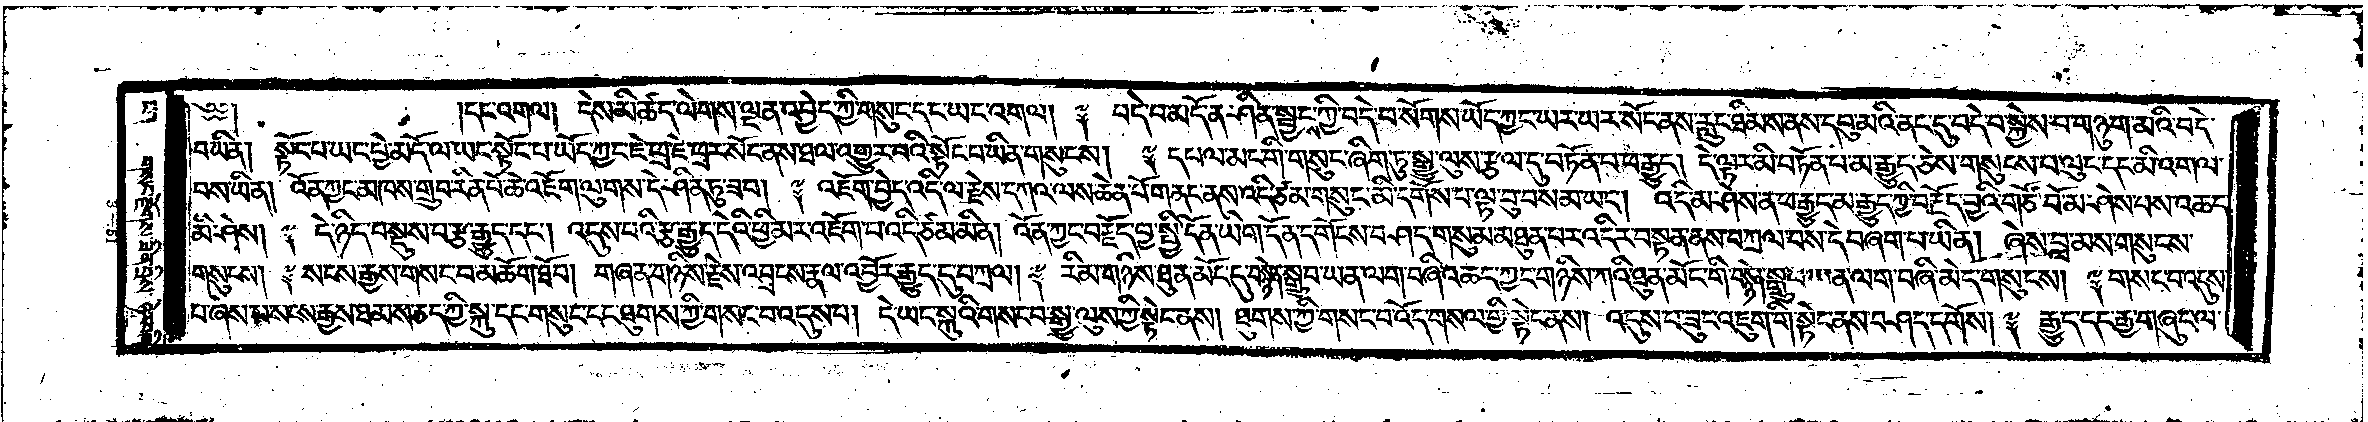༄༅། །དང་འགལ། དེས་མི་ཚད་ལེགས་ལྡན་འབྱེད་ཀྱི་གསུང་དང་ཡང་འགལ། ༈ བདེ་བ་མདོ་ན་ཤིན་སྦྱངས་ཀྱི་བདེ་བ་སོགས་ཡོད་ཀྱང་ཡར་ཡར་སོང་ནས་རླུང་ཐིམས་ནས་དབུ་མའི་ནང་དུ་བདེ་བ་སྐྱེས་པ་གཉུག་མའི་བདེ་
བ་ཡིན། སྟོང་པ་ཡང་བྱེ་མདོ་ལ་ཡང་སྟོང་པ་ཡོད་ཀྱང་རྗེ་ཕྲ་ཇེ་ཕྲར་སོང་ནས་ཐལ་འགྱུར་བའི་སྟོང་པ་ཡིན་གསུངས། ༈ དཔལ་མང་གི་གསུང་ཞིག་ཏུ་སྒྱུ་ལུས་རྩལ་དུ་བཏོན་པ་ཕ་རྒྱུད། དེ་ལྟར་མི་བཏོན་པ་མ་རྒྱུད་ཅེས་གསུངས་པ་ལུང་དང་མི་འགལ་
བས་ཡིན། འོན་ཀྱང་མཁས་གྲུབ་རིན་པོ་ཆེ་འཇོག་ལུགས་དེ་ཤིན་ཏུ་ཟབ། ༈ འཇོག་བྱེད་འདི་ལ་རྗེས་དཀའ་ལས་ཆེན་པོ་གནང་ནས་འདི་ཙམ་གསུང་མི་དགོས་པ་ལྟ་བུ་བསམ་ཡང་། འདི་མ་ཤེས་ན་ཕ་རྒྱུད་མ་རྒྱུད་ཀྱི་བརྗོད་བྱའི་གཙོ་བོ་མ་ཤེས་པས་འཆད་
མི་ཤེས། ༈ དེ་ཉིད་བསྡུས་པ་རྩ་རྒྱུད་དང་། འདུས་པའི་རྩ་རྒྱུད་དེའི་ཕྱི་མར་འཇོག་པ་འདི་ཙམ་མིན། འོན་ཀྱང་བརྗོད་བྱ་སྤྱི་དོན་ཡིག་དོན་དགོངས་བཤད་གསུམ་མཐུན་པར་འདིར་བསྟན་ནས་བཀྲལ་བས་དེ་བཞག་པ་ཡིན། ཞེས་བླ་མས་གསུངས་
གསུངས། ༈ སངས་རྒྱས་གསང་བ་མཆོག་ཐོབ། གཞན་གཉིས་རྗེས་འབྲངས་རྣལ་འབྱོར་རྒྱུད་དུ་བཀྲལ། ༈ རིམ་གཉིས་ཐུན་མོང་དུ་བསྙེན་སྒྲུབ་ཡན་ལག་བཞི་འཆད་ཀྱང་གཉིས་ཀའི་ཐུན་མོང་གི་བསྙེན་སྒྲུབ་ཡན་ལག་བཞི་མེད་གསུངས། ༈ གསང་བ་འདུས་
པ་ཞེས་པ་སངས་རྒྱས་ཐམས་ཅད་ཀྱི་སྐུ་དང་གསུང་དང་ཐུགས་ཀྱི་གསང་བ་འདུས་པ། དེ་ཡང་སྐུའི་གསང་བ་སྒྱུ་ལུས་ཀྱི་སྟེང་ནས། ཐུགས་ཀྱི་གསང་བ་འོད་གསལ་གྱི་སྟེང་ནས། འདུས་པ་ཟུང་འཇུག་གི་སྟེང་ནས་བཤད་དགོས། ༈ རྒྱུད་དང་རྒྱ་གཞུང་ལ་